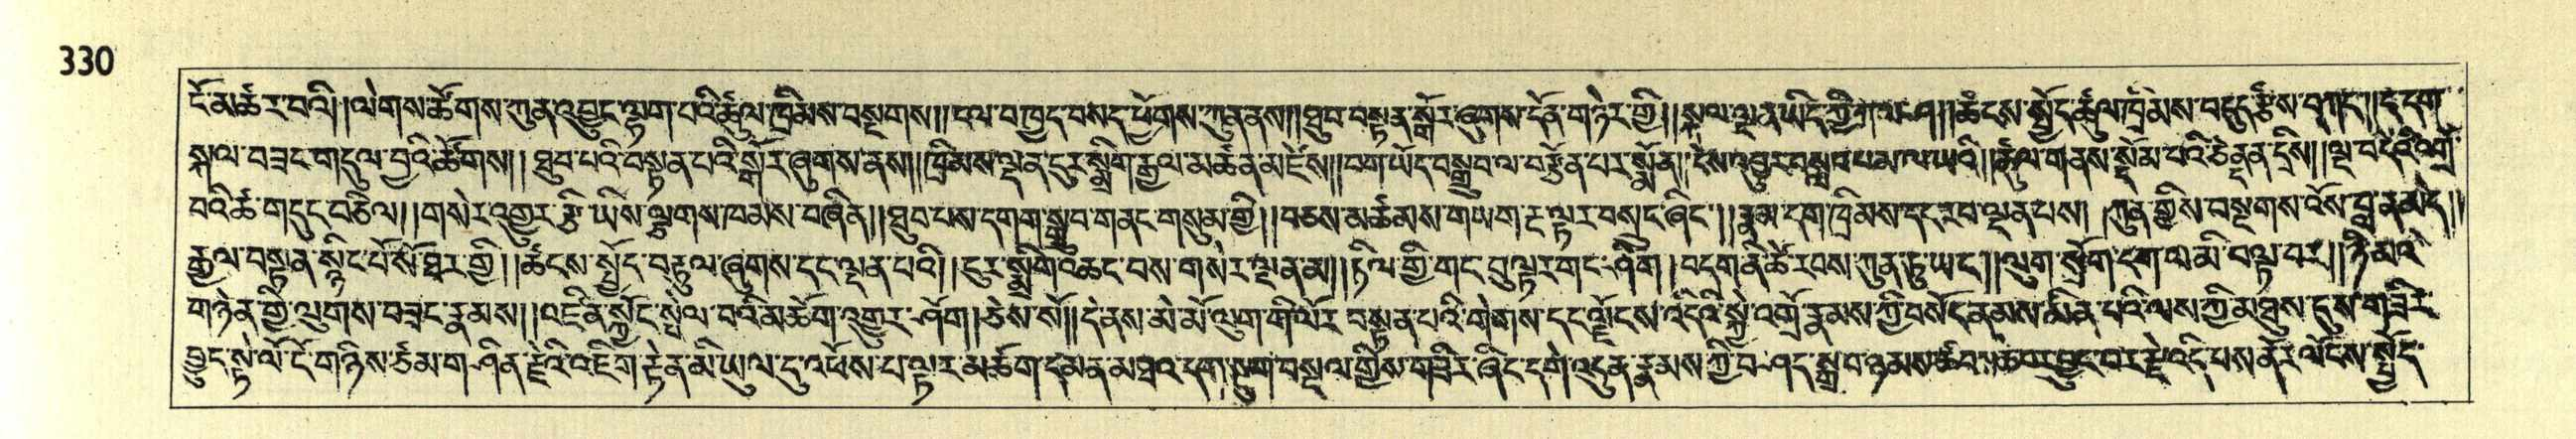ངོ་མཚར་བའི། །ལེགས་ཚོགས་ཀུན་འབྱུང་ལྷག་པའི་ཚུལ་ཁྲིམས་བསྔགས། །ངལ་བ་ཁྱད་བསད་ཕྱོགས་ཀུན་ནས། །ཐུབ་བསྟན་སྒོར་ཞུགས་དོན་གཉེར་གྱི། །སྐལ་ལྡན་ཡིད་ཀྱི་ཀ་ལ་ཤ། །ཚངསཾ་སྤྱོད་ཚུལ་ཁྲིམས་བདུད་རྩིས་བཀང་། །ད་དག་
སྐལ་བཟང་གདུལ་བྱའི་ཚོགས། །ཐུབ་པའི་བསྟན་པའི་སྒོར་ཞུགས་ནས། །ཁྲིམས་ལྡན་དུར་སྨྲིག་རྒྱལ་མཚན་མཛེས། །བག་ཡོད་བསྒྲུབ་ལ་བརྩོན་པར་སྨོན། །ངེས་འབྱུར་བསླབ་པ་མ་ལ་ཡའི། །ཚུལ་གནས་སྡོམ་པའི་ཙེནྡན་དྲིས། །ལྔ་བདེའི་འགྲོ་
བའི་ཚ་གདུང་བཅིལ། །གསེར་འགྱུར་རྩི་ཡིས་ལྕགས་ཁམས་བཞིན། །ཐུབ་པས་དགག་སྒྲུབ་གནང་གསུམ་གྱི། །བཅས་མཚམས་གཡག་རྔ་ལྟར་བསྲུང་ཞིང་། །རྣམ་དག་ཁྲིམས་དང་རབ་ལྡན་པས། །ཀུན་གྱིས་བསྔགས་འོས་བླ་ན་མེད། །
རྒྱལ་བསྟན་སྙིང་པོ་སོ་ཐར་གྱི། །ཚངས་སྤྱོད་བརྟུལ་ཞུགས་དང་ལྡན་པའི། །དུར་སྨྲིག་འཆང་བས་གསེར་ལྡན་མ། །ཏིལ་གྱི་གང་བུ་ལྟར་གང་ཤིག །བདག་ནི་ཚེ་རབས་ཀུན་ཏུ་ཡང་། །ལུག་སྲོག་ངག་ལ་མི་བལྟ་བར། །ཉི་མའི་
གཉེན་གྱི་ལུགས་བཟང་རྣམས། །འཛིན་སྐྱོང་སྤེལ་བའི་མཆོག་འགྱུར་ཤོག །ཅེས་སོ། །དེ་ནས་མེ་མོ་ལུག་གི་ལོར་བསྟན་པའི་གེགས་དང་ལྗོངས་འདིའི་སྐྱེ་འགྲོ་རྣམས་ཀྱི་བསོད་ནམས་མིན་པའི་ལས་ཀྱི་མཐུས་དུས་གཟིར་
བྱུང་སྟེ་ལོ་ངོ་གཉིས་ཙམ་གཤིན་རྗེའི་འཇིག་རྟེན་མི་ཡུལ་དུ་འཕོས་པ་ལྟར་མཆོག་དམན་མཐའ་དག་སྡུག་བསྔལ་གྱིས་གཟིར་ཞིང་དགེ་འདུན་རྣམས་ཀྱི་བཤད་སྒྲ་བ་ཉམས་ཚབས་ཆེ་བར་བྱུང་བར་རྫེ་འདི་པས་ནོར་ལོངས་སྤྱོད་